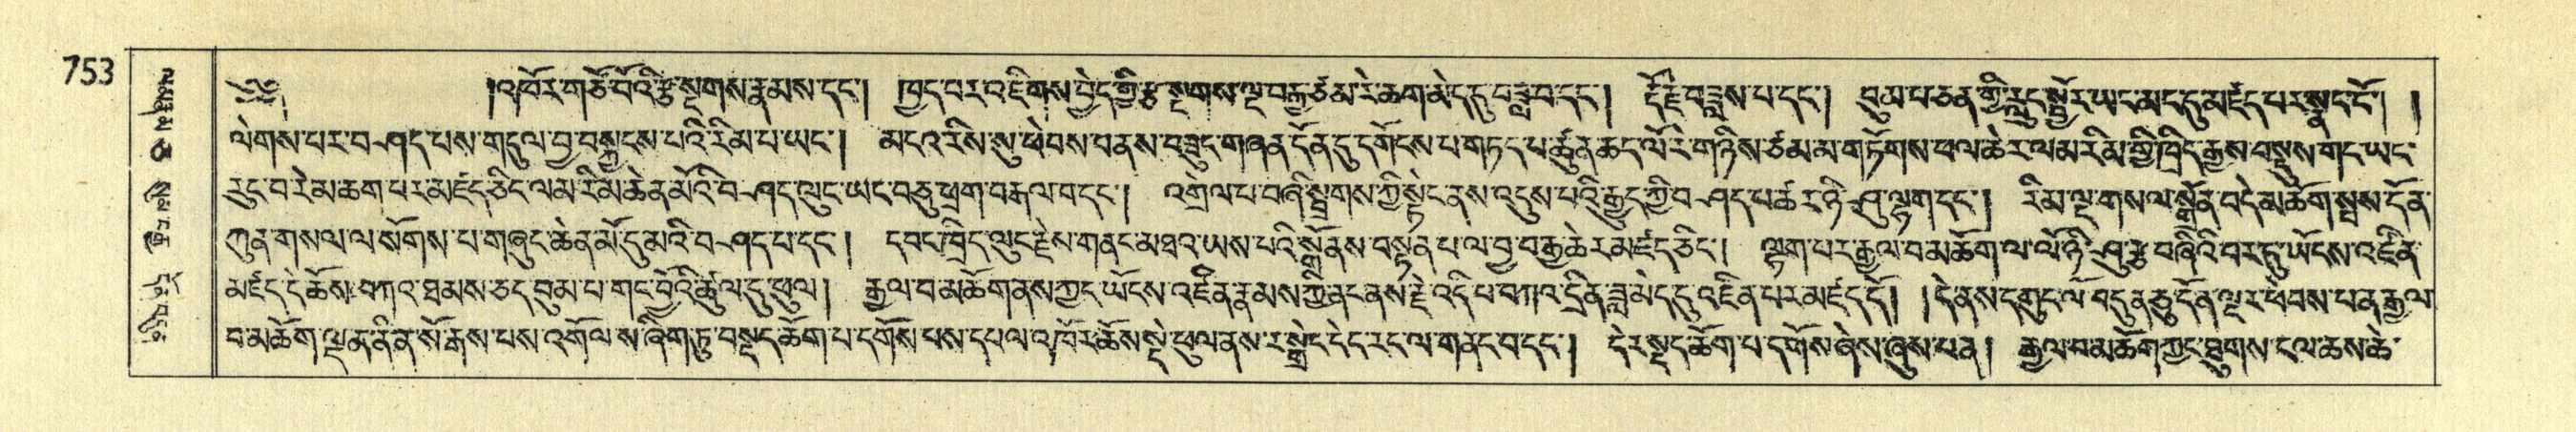༄༅། །འཁོར་གཙོ་བོའི་རྩ་སྔགས་རྣམས་དང་། ཁྱད་པར་འཇིགས་བྱེད་གྱི་རྩ་སྔགས་ལྔ་བརྒྱ་ཙམ་རེ་ཆག་མེད་དུ་བཟླ་བ་དང་། རྡོ་རྗེ་བཟླས་པ་དང་། བུམ་པ་ཅན་གྱི་རླུང་སྦྱོར་ཡང་མང་དུ་མཛད་པར་སྣང་ངོ། །
ལེགས་པར་བཤད་པས་གདུལ་བྱ་བསྐྱངས་པའི་རིམ་པ་ཡང་། མངའ་རིས་སུ་ཕེབས་བ་ནས་བཟུང་གཞན་དོན་དུ་དགོངས་པ་གཏད་པ་ཚུན་ཆད་ལོ་རེ་གཉིས་ཙམ་མ་གཏོགས་ཕལ་ཆེར་ལམ་རིམ་གྱི་ཁྲིད་རྒྱས་བསྡུས་གང་ཡང་
རུང་བ་རེམ་ཆག་པར་མཛད་ཅིང་ལམ་རིམ་ཆེན་མོའི་བཤད་ལུང་ཡང་བཅུ་ཕྲག་བརྒལ་བ་དང་། འགྲེལ་པ་བཞི་སྦྲགས་ཀྱི་སྟེང་ནས་འདུས་པའི་རྒྱུད་ཀྱི་བཤད་པ་ཚར་ཉི་ཤུ་ལྷག་དང་། རིམ་ལྔ་གསལ་སྒྲོན་བདེ་མཆོག་སྦས་དོན་
ཀུན་གསལ་ལ་སོགས་པ་གཞུང་ཆེན་མོ་དུ་མའི་བཤད་པ་དང་། དབང་ཁྲིད་ལུང་རྗེས་གནང་མཐའ་ཡས་པའི་སྒོ་ནས་བསྟན་པ་ལ་བྱ་བ་རྒྱ་ཆེར་མཛད་ཅིང་། ལྷག་པར་རྒྱལ་བ་མཆོག་ལ་ལོ་ཉི་ཤུ་རྩ་བཞིའི་བར་དུ་ཡོངས་འཛིན་
མཛད་དེ་ཆོས་བཀའ་ཐམས་ཅད་བུམ་པ་གང་བྱོའི་ཚུལ་དུ་ཕུལ། རྒྱལ་བ་མཆོག་ནས་ཀྱང་ཡོངས་འཛིན་རྣམས་ཀྱི་ནང་ནས་རྗེ་འདི་པ་བཀའ་དྲིན་ཟླ་མེད་དུ་འཛིན་པར་མཛད་དོ། །དེ་ནས་དགུང་ལོ་བདུན་ཅུ་དོན་ལྔར་ཕེབས་པན་རྒྱལ་
བ་མཆོག་ལྡན་ནི་ན་སོ་རྒས་པས་འགོལ་ས་ཞིག་ཏུ་བསྡད་ཆོག་པ་དགོས་པས་དཔལ་འཁོར་ཆོས་སྡེ་ཕུལ་ནས་ར་སྒྲེང་དེད་རང་ལ་གནང་བ་དང་། དེར་སྡད་ཆོག་པ་དགོས་ཞེས་ཞུས་པན། རྒྱལ་བ་མཆོག་ཀྱང་ཐུགས་ངལ་ཆས་ཆེ་